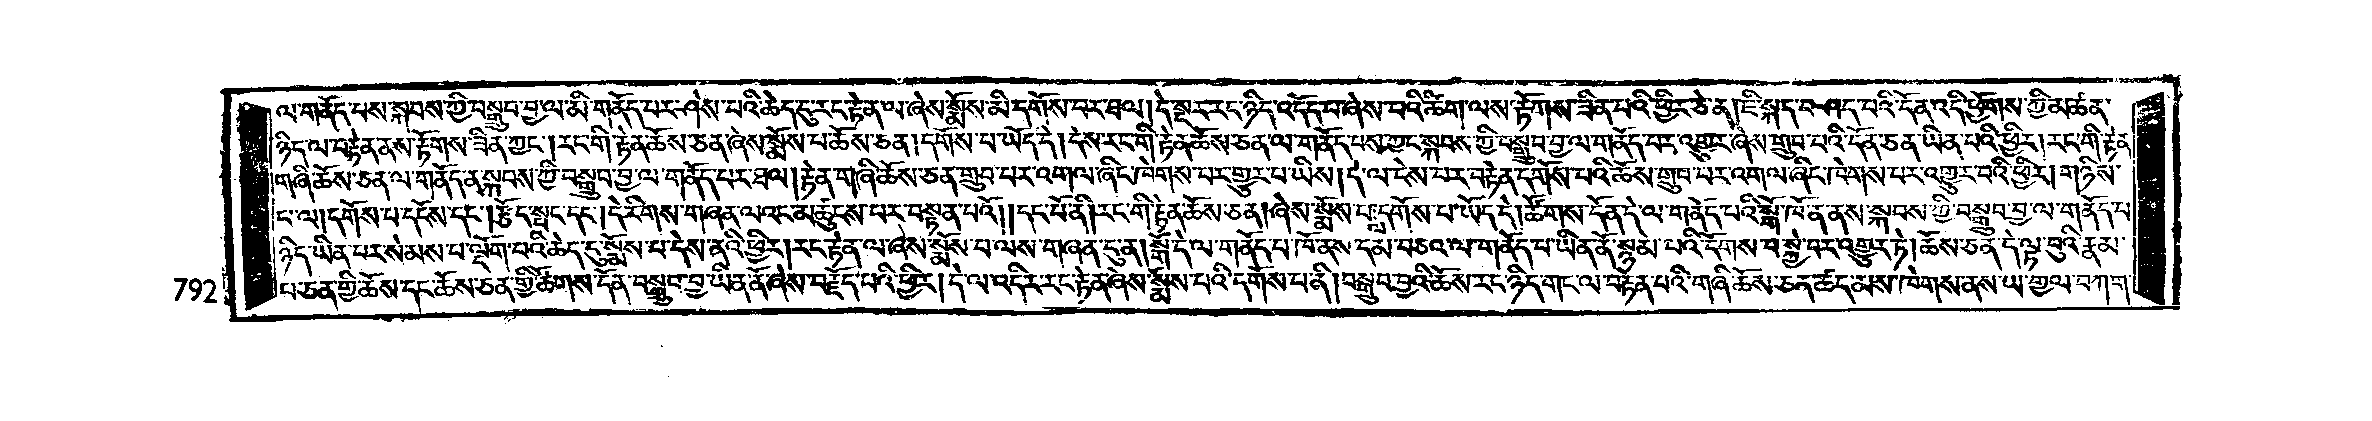ལ་གནོད་པས་སྐབས་ཀྱི་བསྒྲུབ་བྱ་ལ་མི་གནོད་པར་ཤེས་པའི་ཆེད་དུ་རང་རྟེན་ལ་ཞེས་སྨོས་མི་དགོས་པར་ཐལ། དེ་སྔར་རང་ཉིད་འདོད་པ་ཞེས་པའི་ཚིག་ལས་རྟོགས་ཟིན་པའི་ཕྱིར་ཅེ་ན། ཇི་སྐད་བཤད་པའི་དོན་འདི་ཕྱོགས་ཀྱི་མཚན་
ཉིད་ལ་བརྟེན་ནས་རྟོགས་ཟིན་ཀྱང་། རང་གི་རྟེན་ཆོས་ཅན་ཞེས་སྨོས་པ་ཆོས་ཅན། དགོས་པ་ཡོད་དེ། དེས་རང་གི་རྟེན་ཆོས་ཅན་ལ་གནོད་པས་ཀྱང་སྐབས་ཀྱི་བསྒྲུབ་བྱ་ལ་གནོད་པར་འགྱུར་ཞེས་གྲུབ་པའི་དོན་ཅན་ཡིན་པའི་ཕྱིར། རང་གི་རྟེན་
གཞི་ཆོས་ཅན་ལ་གནོད་ན་སྐབས་ཀྱི་བསྒྲུབ་བྱ་ལ་གནོད་པར་ཐལ། རྟེན་གཞི་ཆོས་ཅན་གྲུབ་པར་འགལ་ཞིང་ཁེགས་པར་གྱུར་པ་ཡིས། དེ་ལ་ངེས་པར་བརྟེན་དགོས་པའི་ཆོས་གྲུབ་པར་འགལ་ཞིང་ཁེགས་པར་འགྱུར་བའི་ཕྱིར། གཉིས་
པ་ལ། དགོས་པ་དངོས་དང་། རྩོད་སྤང་དང་། དེ་རིགས་གཞན་ལའང་མཚུངས་པར་བསྟན་པའོ། །དང་པོ་ནི། རང་གི་རྟེན་ཆོས་ཅན། ཞེས་སྨོས་པ་ལ་དགོས་པ་ཡོད་དེ། ཚོགས་དོན་དེ་ལ་གནོད་པའི་སྒོ་ཁོ་ན་ནས་སྐབས་ཀྱི་བསྒྲུབ་བྱ་ལ་གནོད་པ་
ཉིད་ཡིན་པར་སེམས་པ་ལྡོག་པའི་ཆེད་དུ་སྨོས་པ་དེས་ནའི་ཕྱིར། རང་རྟེན་ལ་ཞེས་?་སྨོས་པ་ལས་གཞན་དུ་ན། སྒོ་དེ་ལ་གནོད་པ་ཁོ་ནས་དམ་བཅའ་ལ་གནོད་པ་ཡིན་ནོ་སྙམ་པའི་དོགས་པ་སྐྱེ་བར་འགྱུར་ཏེ། ཆོས་ཅན་དེ་ལྟ་བུའི་རྣམ་
པ་ཅན་གྱི་ཆོས་དང་ཆོས་ཅན་གྱི་ཚོགས་དོན་བསྒྲུབ་བྱ་ཡིན་ནོ་ཞེས་བརྗོད་པའི་ཕྱིར། དེ་ལ་འདིར་རང་རྟེན་ཞེས་སྨོས་པའི་དགོས་པ་ནི། བསྒྲུབ་བྱའི་ཆོས་རང་ཉིད་གང་ལ་བརྟེན་པའི་གཞི་ཆོས་ཅན་ཚད་མས་ཁེགས་ནས་ཡ་གྱལ་བཀག་